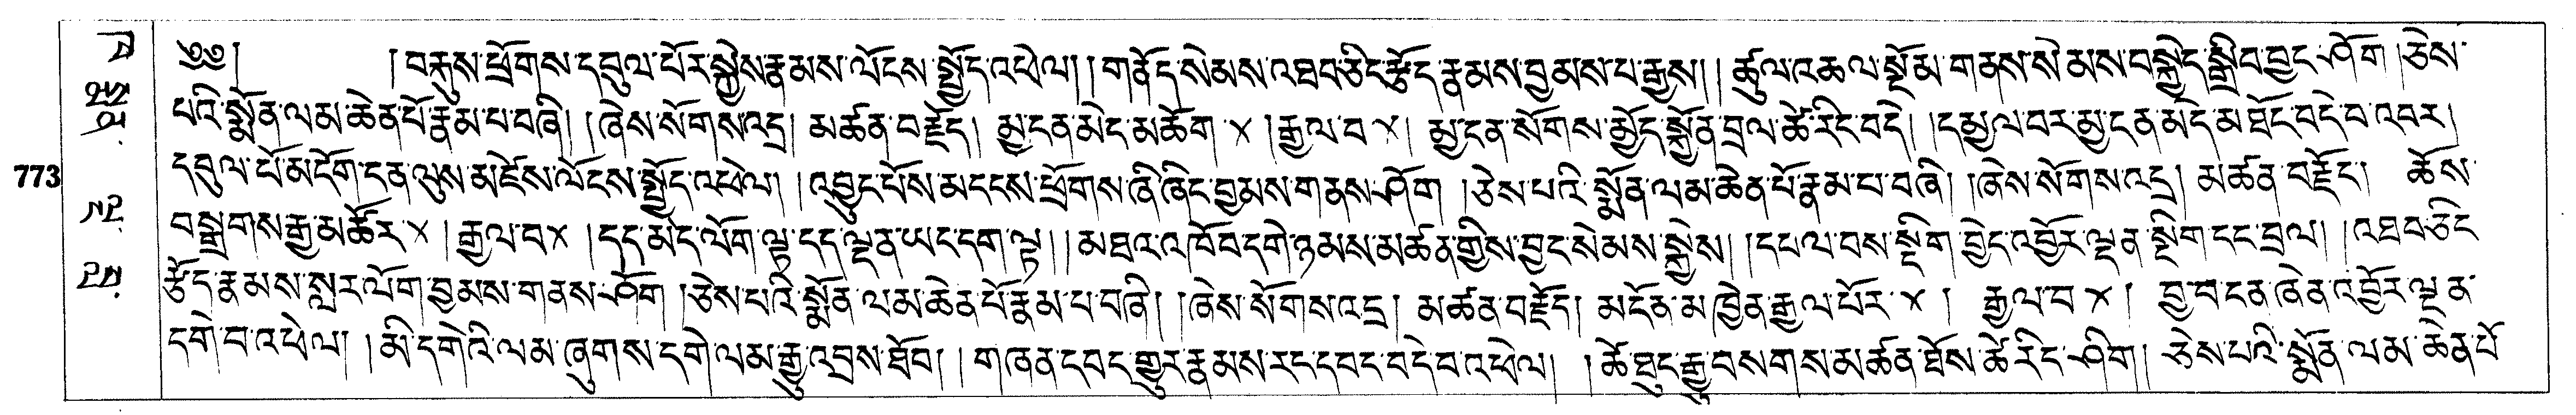༄༅། །བརྐུས་ཕྲོགས་དབུལ་པོར་སྐྱེས་རྣམས་ལོངས་སྤྱོད་འཕེལ། །གནོད་སེམས་འཐབ་ཅིང་རྩོད་རྣམས་བྱམས་པ་རྒྱས། །ཚུལ་འཆལ་སྡོམ་གནས་སེམས་བསྐྱེད་སྒྲིབ་བྱང་ཤོག །ཅེས་
པའི་སྨོན་ལམ་ཆེན་པོ་རྣམ་པ་བཞི། །ཞེས་སོགས་འདྲ། མཚན་བརྗོད། མྱ་ངན་མེད་མཆོག་྾། རྒྱལ་བ་྾། མྱ་ངན་སོགས་མྱོད་སྐྱོན་བྲལ་ཚེ་རིང་བདེ། །དམྱལ་བར་མྱ་ངན་མེད་མཐོང་བདེ་བ་འབར།
དབུལ་པོ་མདོག་ངན་ལུས་མཛེས་ལོངས་སྤྱོད་འཕེལ། །འབྱུང་པོས་མདངས་ཕྲོགས་ཞི་ཞིང་བྱམས་གནས་ཤོག །ཅེས་པའི་སྨོན་ལམ་ཆེན་པོ་རྣམ་པ་བཞི། །ཞེས་སོགས་འདྲ། མཚན་བརྗོད། ཆོས་
བསྒྲགས་རྒྱ་མཚོར་྾། རྒྱལ་བ་྾། དད་མེད་ལོག་ལྟ་དད་ལྡན་ཡང་དག་ལྟ། །མཐའ་འཁོབ་དགེ་ཉམས་མཚན་གྱིས་བྱང་སེམས་སྐྱེས། །དཔལ་བས་སྡིག་བྱེད་འབྱོར་ལྡན་སྡིག་དང་བྲལ། །འཐབ་ཅིང་
རྩོད་རྣམས་སླར་ལོག་བྱམས་གནས་ཤོག །ཅེས་པའི་སྨོན་ལམ་ཆེན་པོ་རྣམ་པ་བཞི། །ཞེས་སོགས་འདྲ། མཚན་བརྗོད། མངོན་མཁྱེན་རྒྱལ་པོར་྾། རྒྱལ་བ་྾། བྱ་བ་ངན་ཞེན་འབྱོར་ལྡན་
དགེ་བ་འཕེལ། །མི་དགེའི་ལམ་ཞུགས་དགེ་ལམ་རྒྱུ་འབྲས་ཐོབ། །གཞན་དབང་གྱུར་རྣམས་རང་དབང་བདེ་བ་འཕེལ། །ཚེ་ཐུང་རྒྱུ་བསགས་མཚན་ཐོས་ཚེ་རིང་ཤིག །ཅེས་པའི་སྨོན་ལམ་ཆེན་པོ་